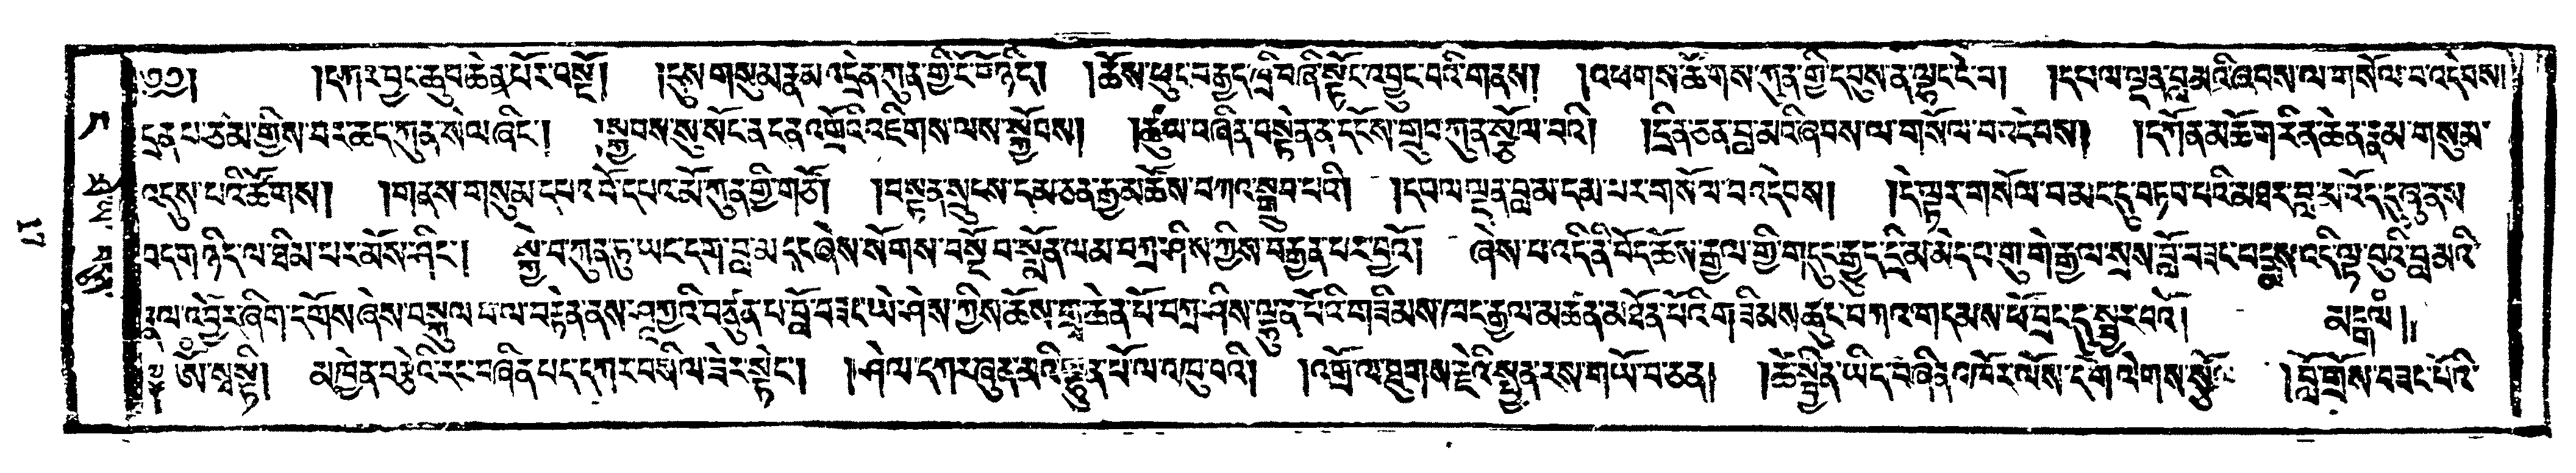༄༅། །དཀར་བྱང་ཆུབ་ཆེན་པོར་བསྔོ། །དུས་གསུམ་རྣམ་འདྲེན་ཀུན་གྱི་ངོ་བོ་ཉིད། །ཆོས་ཕུང་བརྒྱད་ཁྲི་བཞི་སྟོང་འབྱུང་བའི་གནས། །འཕགས་ཚོགས་ཀུན་གྱི་དབུས་ན་ལྷང་ངེ་བ། །དཔལ་ལྡན་བླ་མའི་ཞབས་ལ་གསོལ་བ་འདེབས།
དྲན་པ་ཙམ་གྱིས་བར་ཆད་ཀུན་སེལ་ཞིང་། །སྐྱབས་སུ་སོང་ན་ངན་འགྲོའི་འཇིགས་ལས་སྐྱོབས། །ཚུལ་བཞིན་བསྟེན་ནས་དངོས་གྲུབ་ཀུན་སྩོལ་བའི། །དྲིན་ཅན་བླ་མའི་ཞབས་ལ་གསོལ་བ་འདེབས། །དཀོན་མཆོག་རིན་ཆེན་རྣམ་གསུམ་
འདུས་པའི་ཚོགས། །གནས་གསུམ་དཔའ་བོ་དཔའ་མོ་ཀུན་གྱི་གཙོ། །བསྟན་སྲུངས་དམ་ཅན་རྒྱ་མཚོས་བཀའ་སྒྲུབ་པའི། །དཔལ་ལྡན་བླ་མ་དམ་པར་གསོལ་བ་འདེབས། །དེ་ལྟར་གསོལ་བ་མང་དུ་བཏབ་པའི་མཐར་བླ་མ་འོད་དུ་ཞུ་ནས་
བདག་ཉིད་ལ་ཐིམ་པར་མོས་ཤིང་། སྐྱེ་བ་ཀུན་ཏུ་ཡང་དག་བླ་མ་དང་ཞེས་སོགས་བསྔོ་བ་སྨོན་ལམ་བཀྲ་ཤིས་ཀྱིས་བརྒྱན་པར་བྱའོ། །ཞེས་པ་འདི་ནི་བོད་ཆོས་རྒྱལ་གྱི་གདུང་རྒྱུད་དྲི་མ་མེད་པ་གུ་གེ་རྒྱལ་སྲས་བློ་བཟང་པདམས་འདི་ལྟ་བུའི་བླ་མའི་
རྣལ་འབྱོར་ཞིག་དགོས་ཞེས་བསྐུལ་བ་ལ་བརྟེན་ནས་ཤཱཀྱའི་བཙུན་པ་བློ་བཟང་ཡེ་ཤེས་ཀྱིས་ཆོས་གྲྭ་ཆེན་པོ་བཀྲ་ཤིས་ལྷུན་པོའི་གཟིམས་ཁང་རྒྱལ་མཚན་མཐོན་པོའི་གཟིམས་ཆུང་བཀའ་གདམས་ཕོ་བྲང་དུ་སྦྱར་བའོ། མངྒལཾ།།
༈ ཨོཾ་སྭསྟི། མཁྱེན་བརྩེའི་རང་བཞིན་པད་དཀར་བསིལ་ཟེར་སྟེང་། །ཤེལ་དཀར་ཞུན་མའི་ལྷུན་པོ་ལ་འཁུ་བའི། །འགྲོ་ལ་ཐུགས་རྗེའི་སྤྱན་རས་གཡོ་བ་ཅན། །ཚེ་སྦྱིན་ཡིད་བཞིན་འཁོར་ལོས་དགེ་ལེགས་སྩོལ། །བློ་གྲོས་བཟང་པོའི་